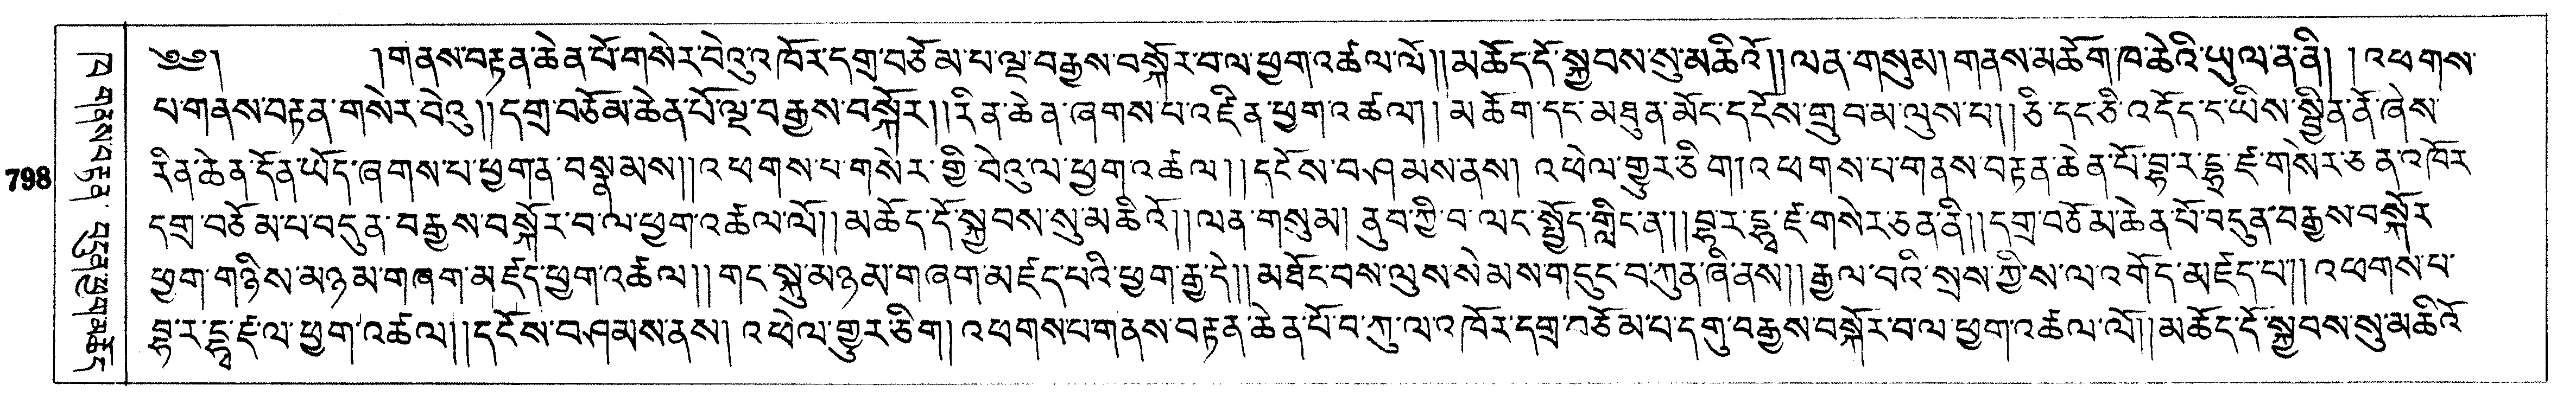༄༅། །གནས་བརྟན་ཆེན་པོ་གསེར་བེའུ་འཁོར་དགྲ་བཅོམ་པ་ལྔ་བརྒྱས་བསྐོར་བ་ལ་ཕྱག་འཚལ་ལོ། །མཆོད་དོ་སྐྱབས་སུ་མཆིའོ། །ལན་གསུམ། གནས་མཆོག་ཁ་ཆེའི་ཡུལ་ན་ནི། །འཕགས་
པ་གནས་བརྟན་གསེར་བེའུ། །དགྲ་བཅོམ་ཆེན་པོ་ལྔ་བརྒྱས་བསྐོར། །རིན་ཆེན་ཞགས་པ་འཛིན་ཕྱག་འཚལ། །མཆོག་དང་མཐུན་མོང་དངོས་གྲུབ་མ་ལུས་པ། །ཅི་དང་ཅི་འདོད་ང་ཡིས་སྦྱིན་ནོ་ཞེས་
རིན་ཆེན་དོན་ཡོད་ཞགས་པ་ཕྱག་ན་བསྣམས། །འཕགས་པ་གསེར་གྱི་བེའུ་ལ་ཕྱག་འཚལ། །དངོས་བཤམས་ནས། འཕེལ་གྱུར་ཅིག །འཕགས་པ་གནས་བརྟན་ཆེན་པོ་བྷ་ར་དྷྲ་ཛ་གསེར་ཅན་འཁོར་
དགྲ་བཅོམ་པ་བདུན་བརྒྱས་བསྐོར་བ་ལ་ཕྱག་འཚལ་ལོ། །མཆོད་དོ་སྐྱབས་སུ་མཆིའོ། །ལན་གསུམ། ནུབ་ཀྱི་བ་ལང་སྤྱོད་གླིང་ན། །བྷ་ར་དྷྭ་ཛ་གསེར་ཅན་ནི། །དགྲ་བཅོམ་ཆེན་པོ་བདུན་བརྒྱས་བསྐོར་
ཕྱག་གཉིས་མཉམ་གཞག་མཛད་ཕྱག་འཚལ། །གང་སྐུ་མཉམ་གཞག་མཛད་པའི་ཕྱག་རྒྱ་དེ། །མཐོང་བས་ལུས་སེམས་གདུང་བ་ཀུན་ཞི་ནས། །རྒྱལ་བའི་སྲས་ཀྱི་ས་ལ་འགོད་མཛད་པ། །འཕགས་པ་
བྷ་ར་དྷྭ་ཛ་ལ་ཕྱག་འཚལ། །དངོས་བཤམས་ནས། འཕེལ་གྱུར་ཅིག །འཕགས་པ་གནས་བརྟན་ཆེན་པོ་བ་ཀུ་ལ་འཁོར་དགྲ་བཅོམ་པ་དགུ་བརྒྱས་བསྐོར་བ་ལ་ཕྱག་འཚལ་ལོ། །མཆོད་དོ་སྐྱབས་སུ་མཆིའོ་